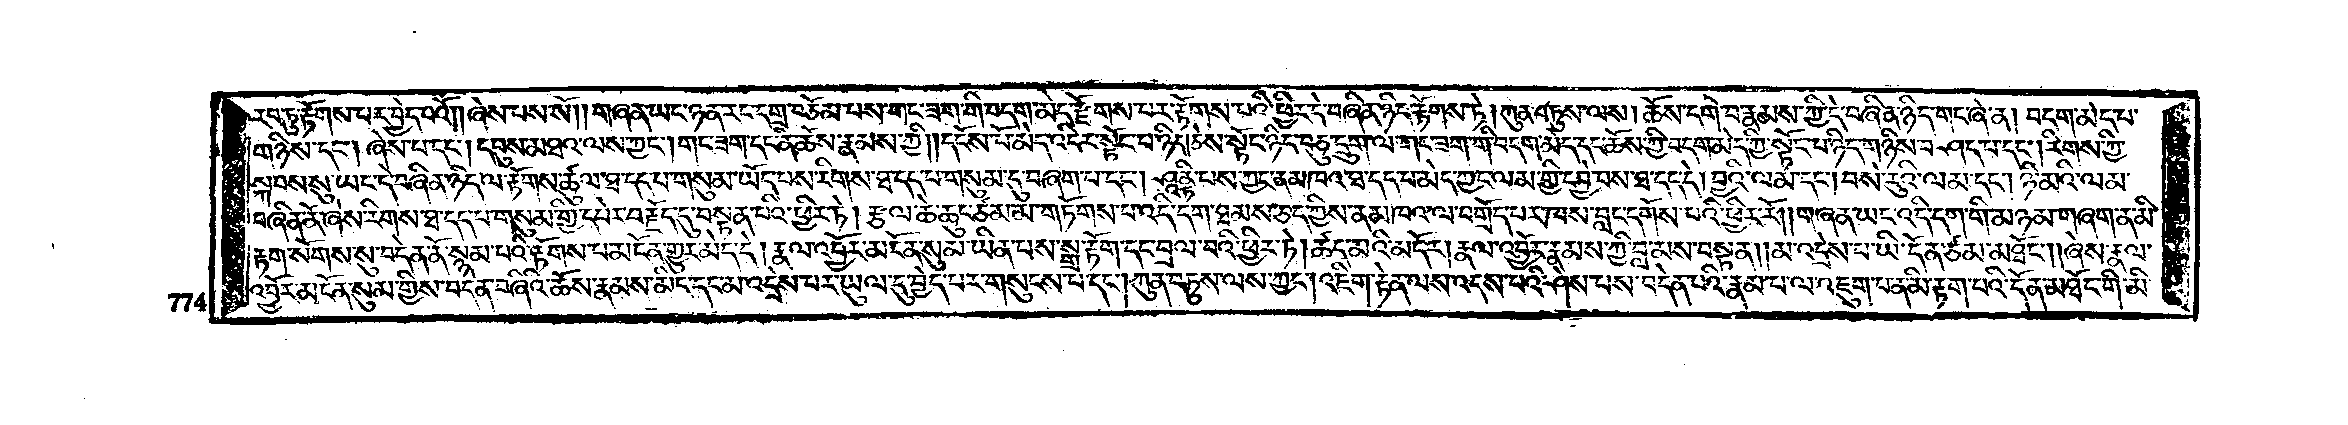རབ་ཏུ་རྟོགས་པར་བྱེད་པའོ། །ཞེས་པས་སོ། །གཞན་ཡང་ཉན་རང་དགྲ་བཅོམ་པས་གང་ཟག་གི་བདག་མེད་རྫོགས་པར་རྟོགས་པའི་ཕྱིར་དེ་བཞིན་ཉིད་རྟོགས་ཏེ། ཀུན་བཏུས་ལས། ཆོས་དགེ་བ་རྣམས་ཀྱི་དེ་བཞིན་ཉིད་གང་ཞེ་ན། བདག་མེད་པ་
གཉིས་དང་། ཞེས་པ་དང་། དབུས་མཐའ་ལས་ཀྱང་། གང་ཟག་དང་ནི་ཆོས་རྣམས་ཀྱི། །དངོས་པོ་མེད་འདིར་སྟོང་པ་ཉིད། ཅེས་སྟོང་ཉིད་བཅུ་དྲུག་ལ་གང་ཟག་གི་བདག་མེད་དང་ཆོས་ཀྱི་བདག་མེད་ཀྱི་སྟོང་པ་ཉིད་གཉིས་བཤད་པ་དང་། རིགས་ཀྱི་
སྐབས་སུ་ཡང་དེ་བཞིན་ཉིད་ལ་རྟོགས་ཚུལ་ཐ་དད་པ་གསུམ་ཡོད་པས་རིགས་ཐ་དད་པ་གསུམ་དུ་བཞག་པ་དང་། ཤཱནྟི་པས་ཀྱང་ནམ་མཁའ་ཐ་དད་པ་མེད་ཀྱང་ལམ་གྱི་དབྱེ་བས་ཐ་དད་དེ། བྱའི་ལམ་དང་། བསེ་རུའི་ལམ་དང་། ཉི་མའི་ལམ་
བཞིན་ནོ་ཞེས་རིགས་ཐ་དད་པ་གསུམ་གྱི་དཔེར་བརྗོད་དུ་བསྟན་པའི་ཕྱིར་ཏེ། རྩལ་ཆེ་ཆུང་ཙམ་མ་གཏོགས་པ་འདི་དག་ཐམས་ཅད་ཀྱིས་ནམ་མཁའ་ལ་བགྲོད་པར་ཁས་བླང་དགོས་པའི་ཕྱིར་རོ། །གཞན་ཡང་འདི་དག་གི་མཉམ་གཞག་ན་མི་
རྟག་སོགས་སུ་བདེན་ནོ་སྙམ་པའི་རྟོགས་པ་མངོན་གྱུར་མེད་དེ། རྣལ་འབྱོར་མངོན་སུམ་ཡིན་པས་སྒྲ་རྟོག་དང་བྲལ་བའི་ཕྱིར་ཏེ། ཚད་མའི་མདོར། རྣལ་འབྱོར་རྣམས་ཀྱི་བླ་མས་བསྟན། །མ་འདྲེས་པ་ཡི་དོན་ཙམ་མཐོང་། །ཞེས་རྣལ་
འབྱོར་མངོན་སུམ་གྱིས་བདེན་བཞིའི་ཆོས་རྣམས་མིང་དང་མ་འདྲེས་པར་ཡུལ་དུ་བྱེད་པར་གསུངས་པ་དང་། ཀུན་བཏུས་ལས་ཀྱང་། འཇིག་རྟེན་ལས་འདས་པའི་ཤེས་པས་བདེན་པའི་རྣམ་པ་ལ་འཇུག་པ་ན་མི་རྟག་པའི་དོན་མཐོང་གི་མི་